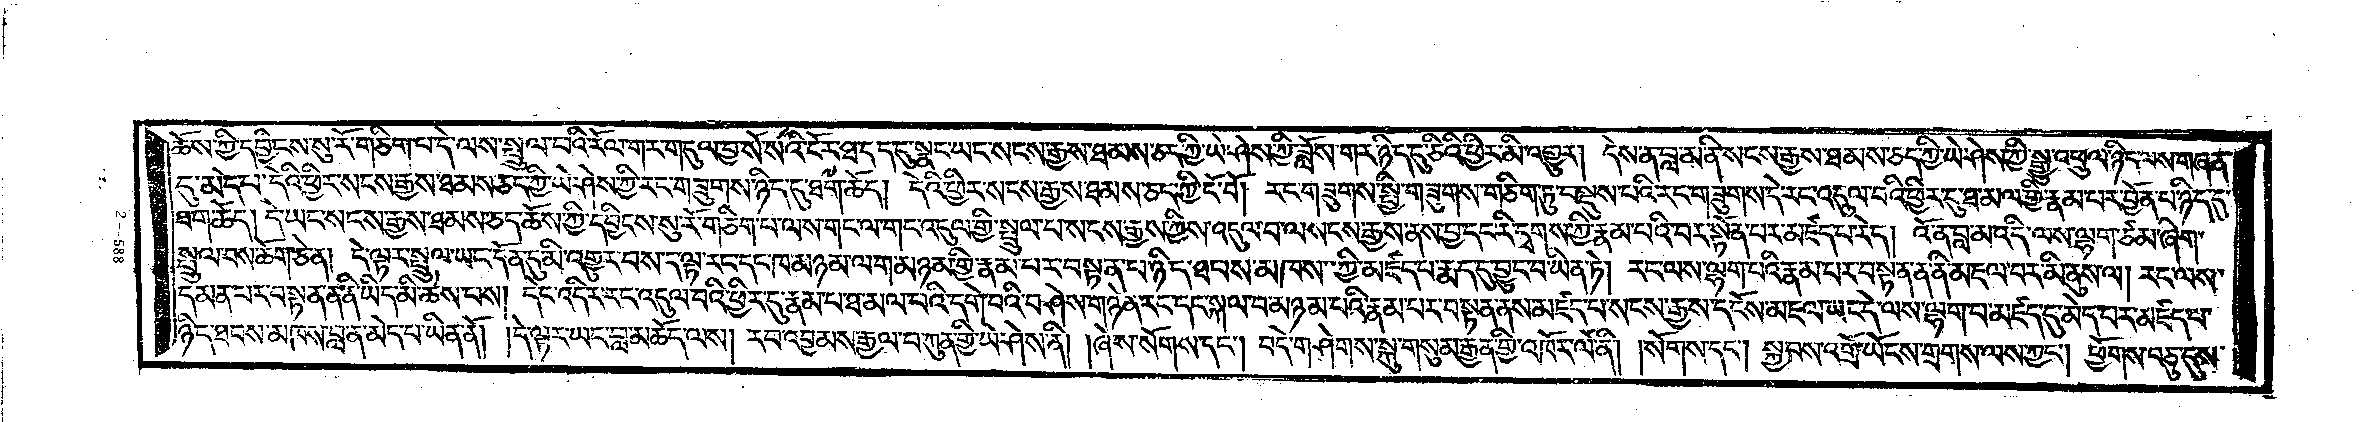ཆོས་ཀྱི་དབྱིངས་སུ་རོ་གཅིག་པ་དེ་ལས་སྤྲུལ་བའི་རོལ་གར་གདུལ་བྱ་སོ་སོའི་ངོར་ཐ་དད་དུ་སྣང་ཡང་སངས་རྒྱས་ཐམས་ཅད་ཀྱི་ཡེ་ཤེས་ཀྱི་ཟློས་གར་ཉིད་དུ་ཅིའི་ཕྱིར་མི་འགྱུར། དེས་ན་བླ་མ་ནི་སངས་རྒྱས་ཐམས་ཅད་ཀྱི་ཡེ་ཤེས་ཀྱི་སྒྱུ་འཕྲུལ་ཉིད་ལས་གཞན་
དུ་མེད་པ་དེའི་ཕྱིར་སངས་རྒྱས་ཐམས་ཅད་ཀྱི་ཡེ་ཤེས་ཀྱི་རང་གཟུགས་ཉིད་དུ་ཐག་ཆོད། དེའི་ཕྱིར་སངས་རྒྱས་ཐམས་ཅད་ཀྱི་ངོ་བོ། རང་གཟུགས་སྤྱི་གཟུགས་གཅིག་ཏུ་བསྡུས་པའི་རང་གཟུགས་དེ་རང་འདུལ་བའི་ཕྱིར་དུ་ཐ་མལ་གྱི་རྣམ་པར་བྱོན་པ་ཉིད་དུ་
ཐག་ཆོད། དེ་ཡང་སངས་རྒྱས་ཐམས་ཅད་ཆོས་ཀྱི་དབྱིངས་སུ་རོ་གཅིག་པ་ལས་གང་ལ་གང་འདུལ་གྱི་སྤྲུལ་པ་སངས་རྒྱས་ཀྱིས་འདུལ་བ་ལ་སངས་རྒྱས་ནས་བྱ་དང་རི་དྭགས་ཀྱི་རྣམ་པའི་པར་སྟོན་པར་མཛད་པ་རེད། འོ་ན་བླ་མ་འདི་ལས་ལྷག་ཙམ་ཞིག་
སྤྲུལ་པས་ཆོག་ཅེ་ན། དེ་ལྟར་སྤྲུལ་ཡང་དོན་དུ་མི་འགྱུར་བས་ད་ལྟ་རང་དང་ཁ་མཉམ་ལག་མཉམ་གྱི་རྣམ་པར་བསྟན་པ་ཉིད་ཐབས་མཁས་ཀྱི་མཛད་པ་རྨད་དུ་བྱུང་བ་ཡིན་ཏེ། རང་ལས་ལྷག་པའི་རྣམ་པར་བསྟན་ན་ནི་མཇལ་བར་མི་ནུས་ལ། རང་ལས་
དམན་པར་བསྟན་ན་ནི་ཡིད་མི་ཆེས་པས། དེང་འདིར་རང་འདུལ་བའི་ཕྱིར་དུ་རྣམ་པ་ཐ་མལ་པའི་དགེ་བའི་བཤེས་གཉེན་རང་དང་སྐལ་པ་མཉམ་པའི་རྣམ་པར་བསྟན་ནས་མཛད་པ་སངས་རྒྱས་དངོས་མཇལ་ཡང་དེ་ལས་ལྷག་པ་མཛད་དུ་མེད་པར་མཛད་པ་
ཉིད་ཐབས་མཁས་བླ་ན་མེད་པ་ཡིན་ནོ། །དེ་ལྟར་ཡང་བླ་མཆོད་ལས། རབ་འབྱམས་རྒྱལ་བ་ཀུན་གྱི་ཡེ་ཤེས་ནི། །ཞེས་སོགས་དང་། བདེ་གཤེགས་སྐུ་གསུམ་རྒྱན་གྱི་འཁོར་ལོ་ནི། །སོགས་དང་། སྐྱབས་འགྲོ་ཡོངས་གྲགས་ལས་ཀྱང་། ཕྱོགས་བཅུ་དུས་